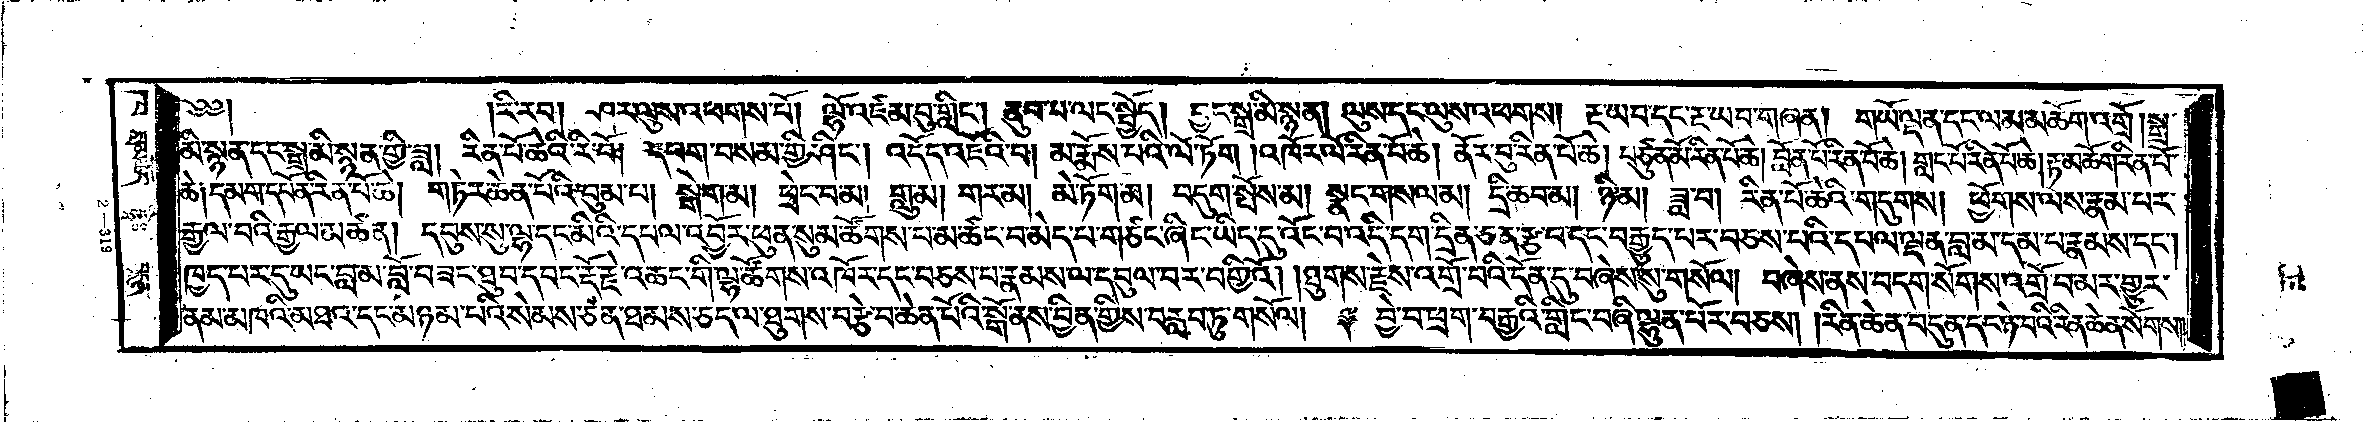༄༅། །རི་རབ། ཤར་ལུས་འཕགས་པོ། ལྷོ་འཛམ་བུ་གླིང་། ནུབ་པ་ལང་སྤྱོད། བྱང་སྒྲ་མི་སྙན། ལུས་དང་ལུས་འཕགས། རྔ་ཡབ་དང་རྔ་ཡབ་གཞན། གཡོ་ལྡན་དང་ལམ་མཆོག་འགྲོ་།སྒྲ་
མི་སྙན་དང་སྒྲ་མི་སྙན་གྱི་ཟླ། རིན་པོ་ཆེའི་རི་བོ། དཔག་བསམ་གྱི་ཤིང་། འདོད་འཇོའི་བ། མ་རྨོས་པའི་ལོ་ཏོག །འཁོར་ལོ་རིན་པོ་ཆེ། ནོར་བུ་རིན་པོ་ཆེ། བཙུན་མོ་རིན་པོ་ཆེ། གླང་པོ་རིན་པོ་ཆེ། རྟ་མཆོག་རིན་པོ་
ཆེ༑ དམག་དཔོན་རིན་པོ་ཆེ། གཏེར་ཆེན་པོའི་བུམ་པ། སྒེག་མ། ཕྲེང་བ་མ། གླུ་མ། གར་མ། མེ་ཏོག་མ། བདུག་སྤོས་མ། སྣང་གསལ་མ། དྲི་ཆབ་མ། ཉི་མ། ཟླ་བ། རིན་པོ་ཆེའི་གདུགས། ཕྱོགས་ལས་རྣམ་པར་
རྒྱལ་བའི་རྒྱལ་མཚན། དབུས་སུ་ལྷ་དང་མིའི་དཔལ་འབྱོར་ཕུན་སུམ་ཚོགས་པ་མ་ཚང་བ་མེད་པ་གཙང་ཞིང་ཡིད་དུ་འོང་བ་འདི་དག་དྲིན་ཅན་རྩ་བ་དང་བརྒྱུད་པར་བཅས་པའི་དཔལ་ལྡན་བླ་མ་དམ་པ་རྣམས་དང་།
ཁྱད་པར་དུ་ཡང་བླ་མ་བློ་བཟང་ཐུབ་དབང་རྡོ་རྗེ་འཆང་གི་ལྷ་ཚོགས་འཁོར་དང་བཅས་པ་རྣམས་ལ་དབུལ་བར་བགྱིའོ། །ཐུགས་རྗེས་འགྲོ་བའི་དོན་དུ་བཞེས་སུ་གསོལ། བཞེས་ནས་བདག་སོགས་འགྲོ་བ་མར་གྱུར་
ནམ་མཁའི་མཐའ་དང་མཉམ་པའི་སེམས་ཅན་ཐམས་ཅད་ལ་ཐུགས་བརྩེ་བ་ཆེན་པོའི་སྒོ་ནས་བྱིན་གྱིས་བརླབ་ཏུ་གསོལ། ༈ བྱེ་བ་ཕྲག་བརྒྱའི་གླིང་བཞི་ལྷུན་པོར་བཅས། །རིན་ཆེན་བདུན་དང་ཉེ་བའི་རིན་ཆེན་སོགས།